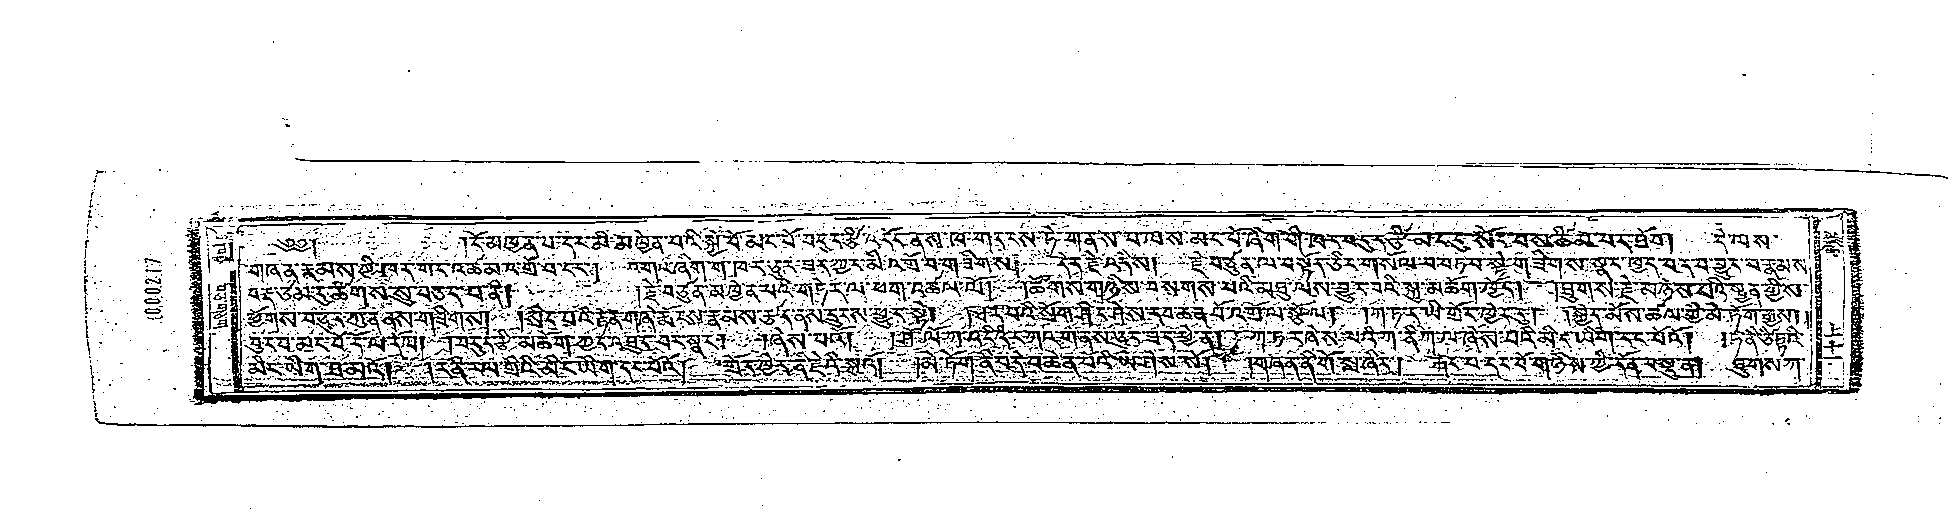༄༅། །ངོ་མཁྱེན་པ་དང་མི་མཁྱེན་བའི་སྐྱེ་བོ་མང་པོ་བདུད་རྩི་འདོད་ནས་ཁ་གདངས་ཏེ་གནས་པ་ལས་མང་པོ་ཞིག་གི་ཁར་བདུད་རྩི་མང་དུ་སོང་བས་ཚིམ་པར་ཐོབ། དེ་ལས་
གཞན་རྣམས་ཀྱི་ཁར་གང་འཚམ་འགྲོ་བ་དང་། འགའ་ཞིག་ག་ཁང་ཅུང་ཟད་ཀྱང་མི་འགྲོ་བ་གཟིགས། དེར་རྗེ་འདིས། རྗེ་བཙུན་ཨ་?
མཆོད་བ་དང་། དམིགས་བརྩེ་མ་བཟླ་བ་སོགས་བྱས་པ་ཐམས་ཅ་
རྣམས་
བརྡ་ཙམ་དུ་ཚིགས་སུ་བཅད་བ་ནི། །རྗེ་བཙུན་མཁྱེན་པའི་གཏེར་ལ་ཕྱག་འཚལ་ལོ། །ཚོགས་གཉིས་བསགས་པའི་མཐུ་ལས་བྱུང་བའི་སྐུ་མཆོག་ཁྱོད། །ཐུགས་རྗེ་མཉེས་པའི་སྤྱན་གྱིས་
ཕྱོགས་བཅུར་ཀུན་ནས་གཟིགས། །སྲིད་པའི་རྟེན་གཞེ་རྨོངས་རྣམས་རྩད་ནས་དྲུངས་ཕྱུང་སྟེ། །ཐར་པའི་སྲོག་ཤིང་ཤེས་རབ་ཆེན་པོ་འགྲོ་ལ་སྩོལ། །ཀ་ཏ་ར་ཡི་གྲོང་ཁྱེར་དུ། །སྐྱེད་མོས་ཚལ་གྱི་མེ་ཏོག་རྒྱས། །
བུད་བ་མང་པོ་རོལ་རོལ། །བདུད་རྩི་མཆོག་ཀྱང་འཐུད་བར་སྣང་། །ཞེས་པའོ། །ཤོ་ལོ་ཀ་འདིའི་དཀའ་གནས་ཅུང་ཟད་ཕྱེ་ན། ཀ་ཏ་ར་ཞེས་པའི་ཀ་ནི་ཀ་ལ་ཞེས་པའི་མིང་ཡིག་དང་པོའོ། །ཏ་ནི་ཙིཏྟའི་
མིང་ཡིག་ཐ་མའོ། །རིན་རལ་གྲིའི་མིང་ཡིག་དང་པོའོ། །གྲོད་ཁྱེར་ནི་རྗེའི་སྒྲའོ། །མེ་ཏོག་ནི་བདེ་བ་ཆེན་པོའི་ཡེ་ཤེས་སོ། །གཞན་ནི་གོ་སླ་ཞིང་། རྐང་བ་དང་བོ་གཉིས་ཀྱི་དོན་བསྡུ་ན། ཐུགས་ཀ་